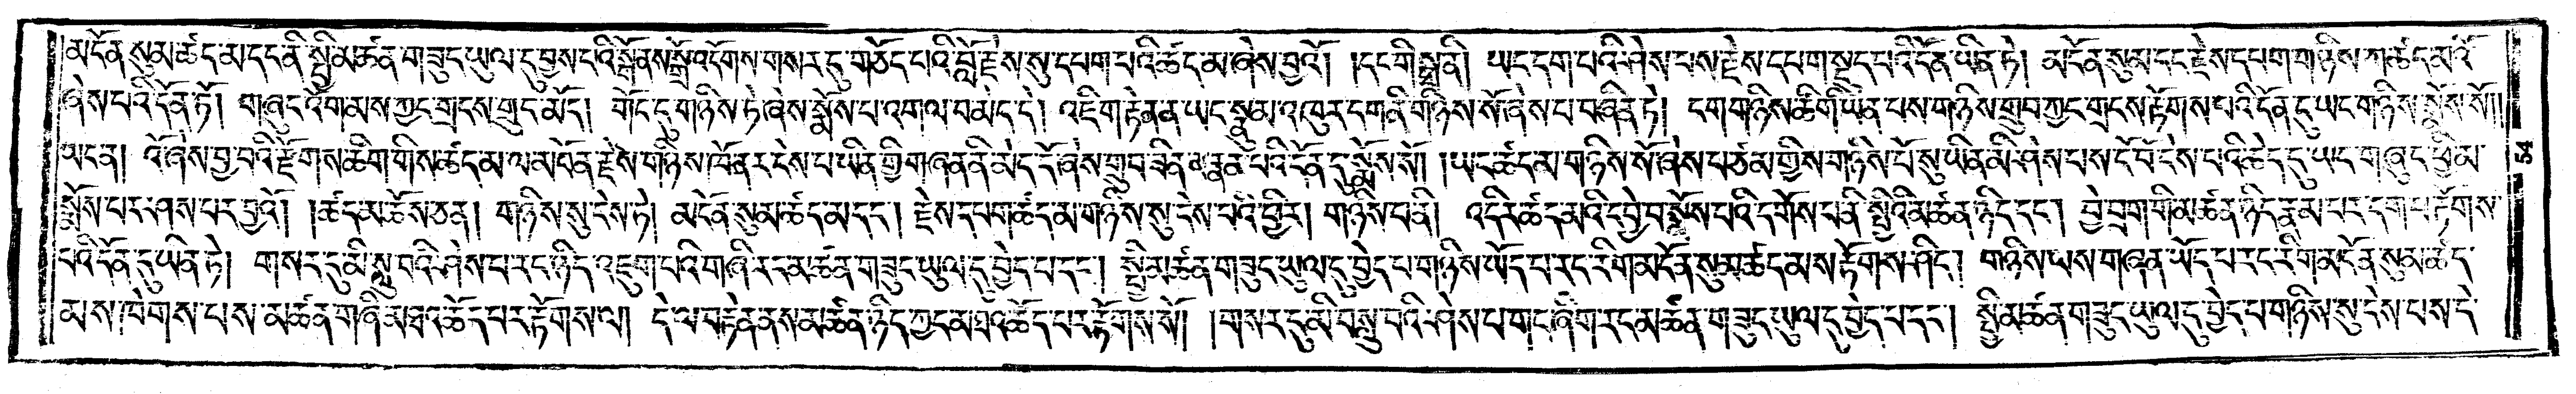མངོན་སུམ་ཚད་མ་དང་ནི་སྤྱི་མཚན་གཟུང་ཡུལ་དུ་བྱས་པའི་སྒོ་ནས་སྒྲོ་འདོགས་གསར་དུ་གཅོད་པའི་བློ་རྗེས་སུ་དཔག་པའི་ཚད་མ་ཞེས་བྱའོ། །དང་གི་སྒྲ་ནི། ཡང་དག་པའི་ཤེས་པས་རྗེས་དཔག་སྡུད་པའི་དོན་ཡིན་ཏེ། མངོན་སུམ་དང་རྗེས་དཔག་གཉིས་ཀ་ཚད་མའོ་
ཞེས་པའི་དོན་ཏོ། གཞུང་འོག་མས་ཀྱང་གྲངས་གྲུང་མོད། གོང་དུ་གཉིས་ཏེ་ཞེས་སྨོས་པ་འགལ་བ་མེད་དེ། འཇིག་རྟེན་ན་ཡང་སྣུམ་འཁུར་དག་ནི་གཉིས་སོ་ཞེས་པ་བཞིན་ཏེ། ངག་གཉིས་ཚིག་ཡིན་པས་གཉིས་གྲུབ་ཀྱང་གྲངས་རྟོགས་པའི་དོན་དུ་ཡང་གཉིས་སྨོས་སོ།།
ཡང་ན། འོ་ཞེས་བྱ་བའི་རྫོགས་ཚིག་གིས་ཚད་མ་ལ་མ་བོན་རྗེས་གཉིས་ཁོ་ནར་ངེས་པ་ཡིན་གྱི་གཞན་ནི་མེད་དོ་ཞེས་གྲུབ་ཟིན་མ་རྣམ་པའི་དོན་དུ་སྨོས་སོ། །ཡང་ཚད་མ་གཉིས་སོ་ཞེས་པ་ཙམ་གྱིས་གཉིས་པོ་སུ་ཡིན་མི་ཤེས་པས་ངོ་བོ་ངེས་པའི་ཆེད་དུ་ཡང་གཞུང་ཕྱི་མ་
སྨོས་པར་ཤས་པར་བྱའོ། །ཚད་མ་ཆོས་ཅན། གཉིས་སུ་ངེས་ཏེ། མངོན་སུམ་ཚད་མ་དང་། རྗེས་དཔག་ཚད་མ་གཉིས་སུ་ངེས་པའི་ཕྱིར། གཉིས་པ་ནི། འདིར་ཚད་མའི་དབྱེ་བ་སྨོས་པའི་དགོས་པ་ནི་སྤྱིའི་མཚན་ཉིད་དང་། བྱེ་བྲག་གི་མཚན་ཉིད་རྣམ་པར་དག་པ་རྟོགས་
པའི་དོན་དུ་ཡིན་ཏེ། གསར་དུ་མི་སླུ་བའི་ཤེས་པ་རང་ཉིད་འཇུག་པའི་གཞི་རང་མཚན་གཟུང་ཡུལ་དུ་བྱེད་པ་དང་། སྤྱི་མཚན་གཟུང་ཡུལ་དུ་བྱེད་པ་གཉིས་ཡོད་པ་རང་རིག་མངོན་སུམ་ཚད་མས་རྟོགས་ཤིང་། གཉིས་ལས་གཞན་ཡོད་པ་རང་རིག་མངོན་སུམ་ཚད་
མས་ཁེགས་པས་མཚན་གཞི་མཐའ་ཆོད་པར་རྟོགས་ལ། དེ་ལ་བརྟེན་ནས་མཚན་ཉིད་ཀྱང་མཐའ་ཆོད་པར་རྟོགས་སོ། །གསར་དུ་མི་བསླུ་བའི་ཤེས་པ་གང་ཞིག་རང་མཚན་གཟུང་ཡུལ་དུ་བྱེད་པ་དང་། སྤྱི་མཚན་གཟུང་ཡུལ་དུ་བྱེད་པ་གཉིས་སུ་ངེས་པས་དེ་